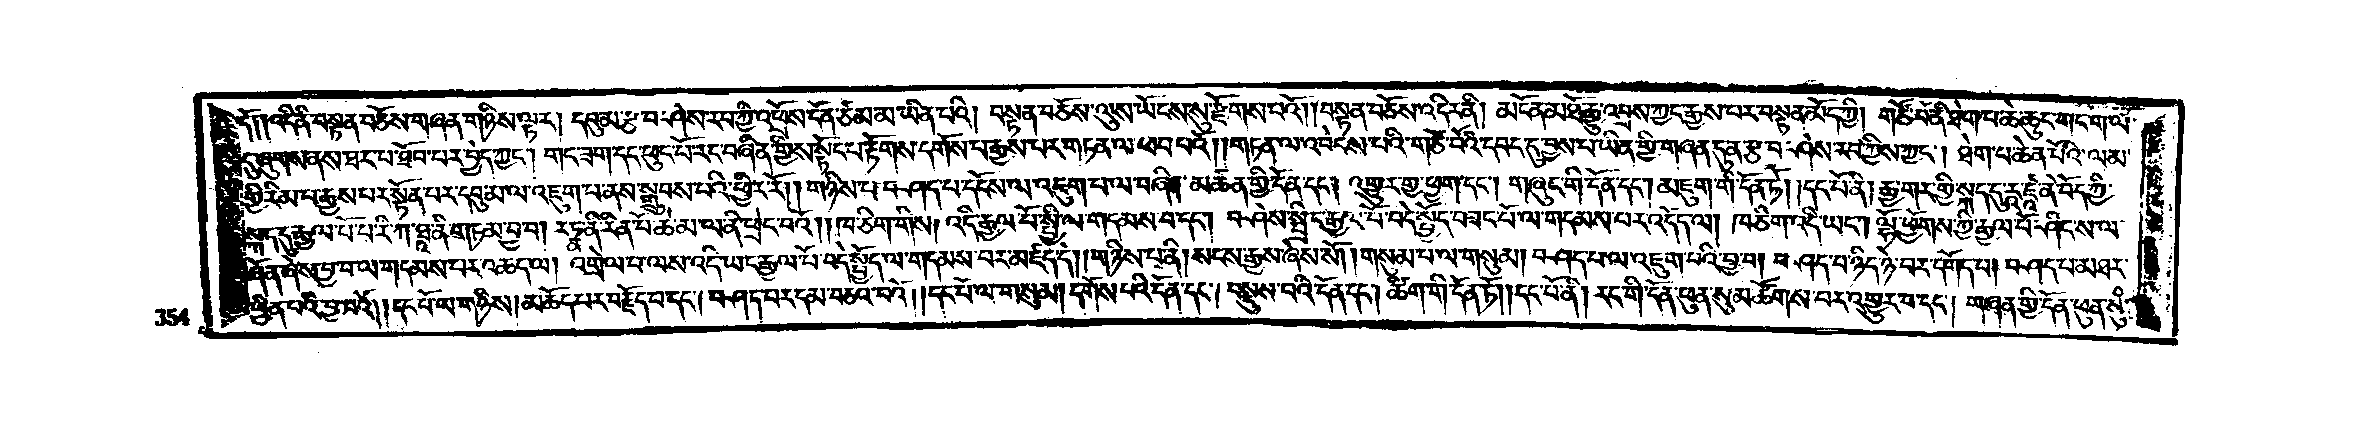དོ། །འདི་ནི་བསྟན་བཅོས་གཞན་གཉིས་ལྟར། དབུ་མ་རྩ་བ་ཤེས་རབ་ཀྱི་འཕྲོས་དོན་ཙམ་མ་ཡིན་པའི། བསྟན་བཅོས་ལུས་ཡོངས་སུ་རྫོགས་པའོ། །བསྟན་བཅོས་འདིར་ནི། མངོན་མཐོ་རྒྱུ་འབྲས་ཀྱང་རྒྱས་པར་བསྟན་མོད་ཀྱི། གཙོ་བོ་ནི་ཐེག་པ་ཆེ་ཆུང་གང་ག་ལ་
དུ་ཞུགས་ནས་ཐར་པ་ཐོབ་པར་བྱེད་ཀྱང་། གང་ཟག་དང་ཕུང་པོ་རང་བཞིན་གྱིས་སྟོང་པ་རྟོགས་དགོས་པ་རྒྱས་པར་གཏན་ལ་ཕབ་པའོ། །གཏན་ལ་འབེངས་པའི་གཙོ་བོའི་དབང་དུ་བྱས་པ་ཡིན་གྱི་གཞན་དུ་ན་རྩ་བ་ཤེས་རབ་ཀྱིས་ཀྱང་། ཐེག་པ་ཆེན་པོའི་ལམ་
གྱི་རིམ་པ་རྒྱས་པར་སྟོན་པར་དབུ་མ་ལ་འཇུག་པ་ནས་སྒྲུབས་པའི་ཕྱིར་རོ། གཉིས་པ་བཤད་པ་དངོས་ལ་འཇུག་པ་ལ་བཞིན་མཚན་གྱི་དོན་དང་། འགྱུར་གྱི་ཕྱག་དང་། གཞུང་གི་དོན་དང་། མཇུག་གི་དོན་ཏོ། །དང་པོ་ནི། རྒྱ་གར་གྱི་སྐད་དུ་རཱ་ཛཱ་ནེ་བོད་ཀྱི་
སྐད་དུ་རྒྱལ་པོ་པ་རི་ཀ་ཐཱ་ནི་གཏམ་བྱ་བ། རཏན་ནི་རིན་པོ་ཆེ་མ་ལ་ནི་ཕྲེང་བའོ། །ཁ་ཅིག་གིས། འདི་རྒྱལ་པོ་སྤྱི་ལ་གདམས་པ་དང་། བཤེས་སྦྲིང་རྒྱལ་པོ་བདེ་སྤྱོད་བཟང་པོ་ལ་གདམས་པར་འདོད་ལ། ཁ་ཅིག་འདི་ཡང་། ལྷོ་ཕྱོགས་ཀྱི་རྒྱལ་པོ་ཤིང་ས་ལ་
ཞོན་ཞེས་བྱ་བ་ལ་གདམས་པར་འཆད་ལ། འགྲེལ་པ་ལས་འདི་ཡང་རྒྱལ་པོ་བདེ་སྤྱོད་ལ་གདམས་པར་མཛད་དེ། །གཉིས་པ་ནི། སངས་རྒྱས་ཞེས་སོ། །གསུམ་པ་ལ་གསུམ། བཤད་པ་ལ་འཇུག་པའི་བྱ་བ། བཤད་པ་ཉིད་ཉེ་བར་དགོད་པ། བཤད་པ་མཐར་
ཕྱིན་པའི་བྱ་བའོ། །དང་པོ་ལ་གཉིས། མཆོད་པར་བརྗོད་པ་དང་། བཤད་པར་དམ་བཅའ་བའོ། །དང་པོ་ལ་གསུམ། དགོས་པའི་དོན་དང་། བསྡུས་པའི་དོན་དང་། ཚིག་གི་དོན་ཏོ། །དང་པོ་ནི། རང་གི་དོན་ཕུན་སུམ་ཚོགས་པར་འགྱུར་བ་དང་། གཞན་གྱི་དོན་ཕུན་སུམ་